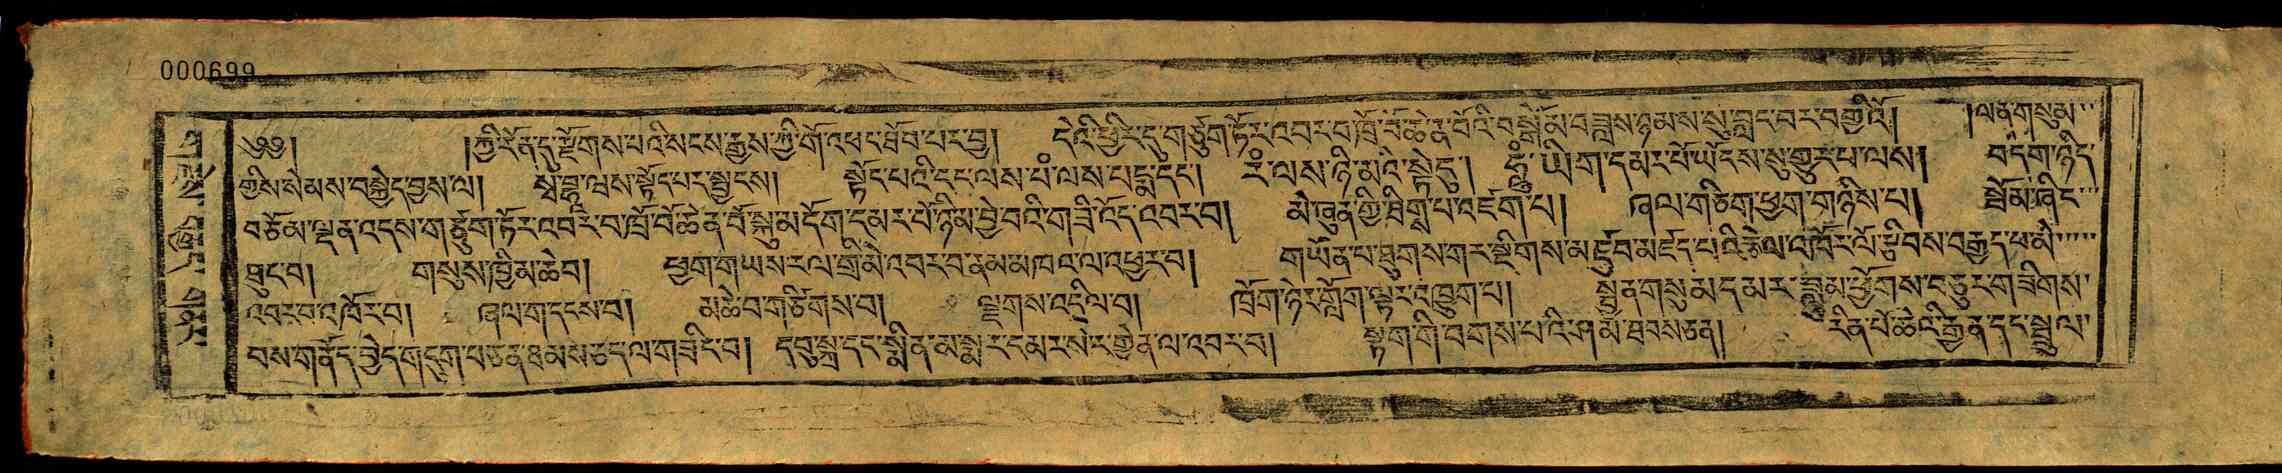༄༅། །ཀྱི་དོན་དུ་རྫོགས་པའི་སངས་རྒྱས་ཀྱི་གོ་འཕང་ཐོབ་པར་བྱ། དེའི་ཕྱིར་དུ་གཙུག་ཏོར་འབར་བ་ཁྲོ་བོ་ཆེན་པོའི་བསྒོམ་བཟླས་ཉམས་སུ་བླང་བར་བགྱིའོ། །ལན་གསུམ་
ཀྱིས་སེམས་བསྐྱེད་བྱས་ལ། སྭ་བྷཱ་ཝས་སྟོང་པར་སྦྱངས། སྟོད་པའི་ངང་ལས་པཾ་ལས་པདམ་དང་། རཾ་ལས་ཉི་མའི་སྟེང་དུ། ཧཱུཾ་ཡིག་དམར་པོ་ཡོངས་སུ་གྱུར་པ་ལས། བདག་ཉིད་
བཅོམ་ལྡན་འདས་གཙུག་ཏོར་འབར་བ་ཁྲོ་བོ་ཆེན་པོ་སྐུ་མདོག་དམར་པོ་ཉི་མ་བྱེ་བའི་གཟི་འོད་འབར་བ། མེ་ཞུན་གྱི་ཐིགས་པ་འཛག་པ། ཞལ་གཅིག་ཕྱག་གཉིས་པ། སྦོམ་ཞིང་
ཐུང་བ། གསུས་ཁྱིམ་ཆེ་བ། ཕྱག་གཡས་རལ་གྲི་མེ་འབར་བ་ནམ་མཁའ་ལ་འཕྱར་བ། གཡོན་པ་ཐུགས་ཀར་སྡིགས་མཛུབ་མཛད་པའི་རྩེལ་འཁོར་ལོ་རྩིབས་བརྒྱད་པ་མེ་
འབར་བ་འཁོར་བ། ཞལ་གདངས་པ། མཆེ་བ་གཙིགས་པ། ལྗགས་འདྲིལ་བ། ཁྲོ་གཉེར་གློག་ལྟར་འཁྱུག་པ། སྤྱན་གསུམ་དམར་ཟླུམ་ཕྱོགས་བཅུར་གཟིགས་
པས་གནོད་བྱེད་གདུག་པ་ཅན་ཐམས་ཅད་ལ་གཟིར་བ། དབུ་སྐྲ་དང་སྨིན་མ་སྨ་ར་དམར་སེར་གྱེན་ལ་འབར་བ། སྟག་གི་པགས་པའི་ཤམ་ཐབས་ཅན། རིན་པོ་ཆེའི་རྒྱན་དང་སྤྲུལ་